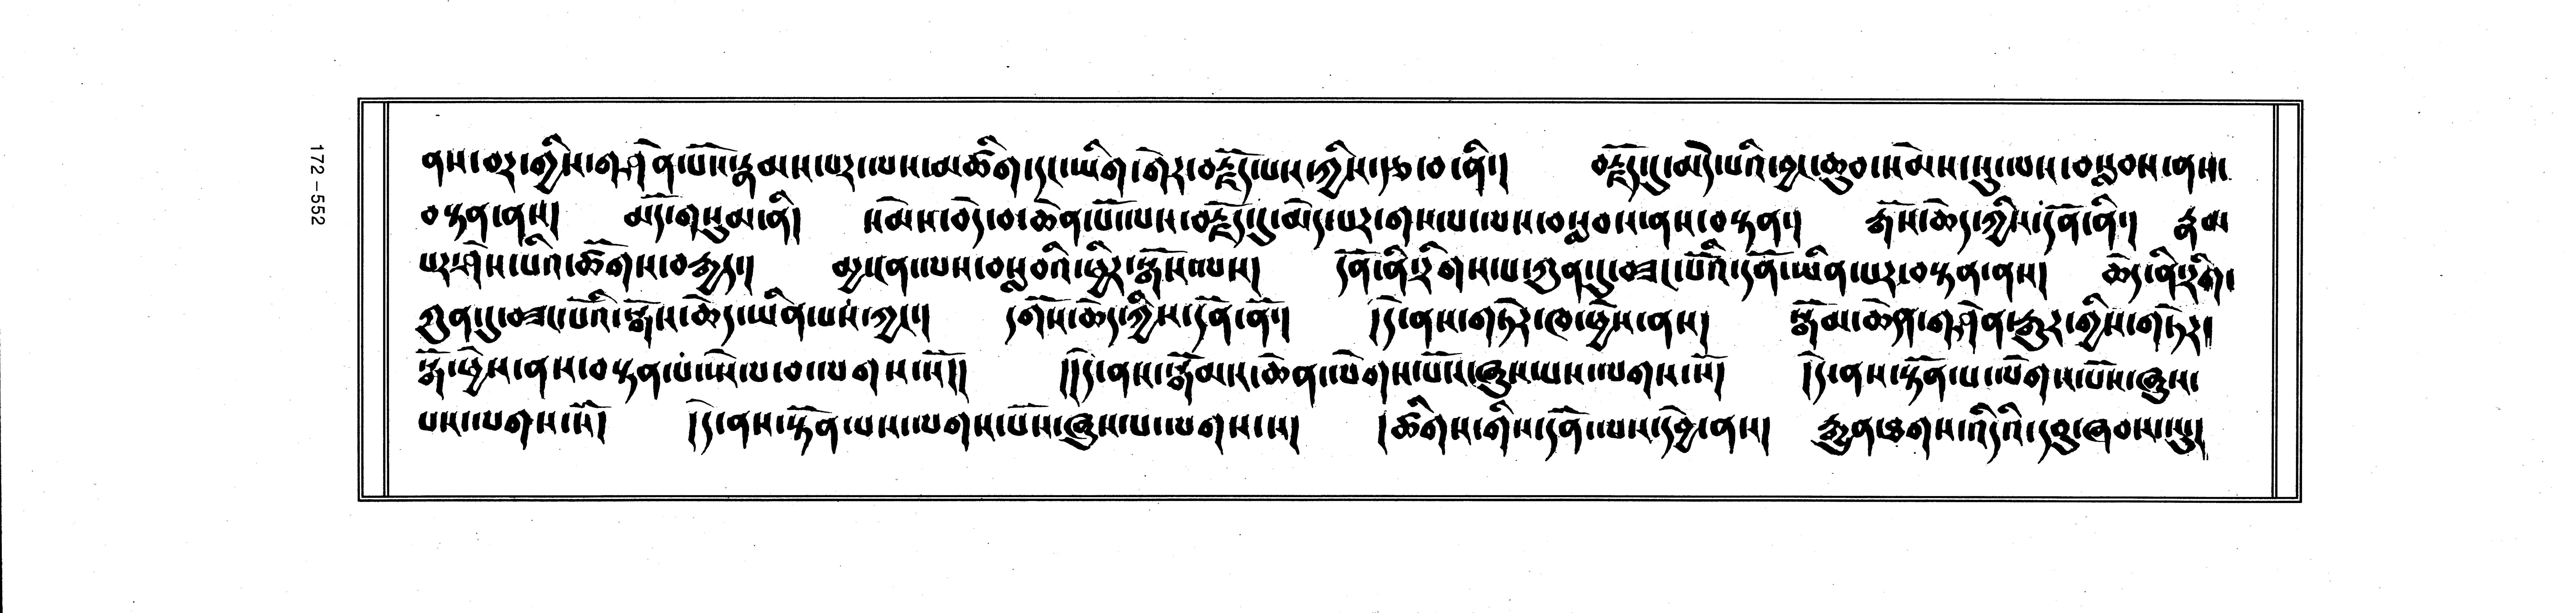ནས་བར་གྱིས་གཤེན་པོས་རྣམས་པར་ལས་ཚིག་དང་ཡིག་གེར་བརྗོད་པས་ཀྱིས་རྩ་བ་ནི། བརྗོད་དུ་མེད་པའི་བྱང་ཆུབ་སེམས་སུ་ལས་བསླབས་ནས་
བསྟན་པས། མདོ་གསུམ་ནི། སེམས་བདེ་བ་ཆེན་པོ་ལས་བརྗོད་དུ་མེད་པར་གསལ་ལས་བསླབས་ནས་བསྟན། རྒོས་ཆེད་ཀྱིས་དོན་ནི། རྣམ་
པར་ཤེས་པའི་ཚོགས་བརྒྱད། མྱ་ངན་ལས་བསླ་བའི་ཕྱིར་སྒོས་ལས། དོན་ནི་རིག་པ་ཀུན་ཏུ་བཟང་པོའི་དོན་ཡིན་པས་བསྟན་ནས། ཆེད་ནི་རིག་
ཀུན་ཏུ་བཟང་པོའི་སྒོས་ཆེད་ཡིན་ལས་ཀྱང་། དགོས་ཆེད་ཀྱིས་དོན་ནོ། དེ་ནས་གཏེར་ཁ་ཕྱེས་ནས། སྒོམ་ཆེན་གཤེན་རྒུར་གྱིས་གཏེར་
སྒོ་ཕྱེས་ནས་བསྟན་པ་སྤེལ་བ་ལགས་སོ། དེ་ནས་སྒོམས་ཆེན་ལེགས་པོས་ཞུས་པས་ལགས་སོ། དེ་ནས་སྟོན་པ་ལེགས་པོས་ཞུས་
པས་ལགས་སོ། དེ་ནས་སྟོན་པས་ལགས་པོས་ཞུས་པ་ལགས་སོ། ཚིག་གིས་དོན་ལས་དབྱེ་ནས། རྒྱུན་ཐགས་འདིའི་དབུ་ཞབས་སུ།